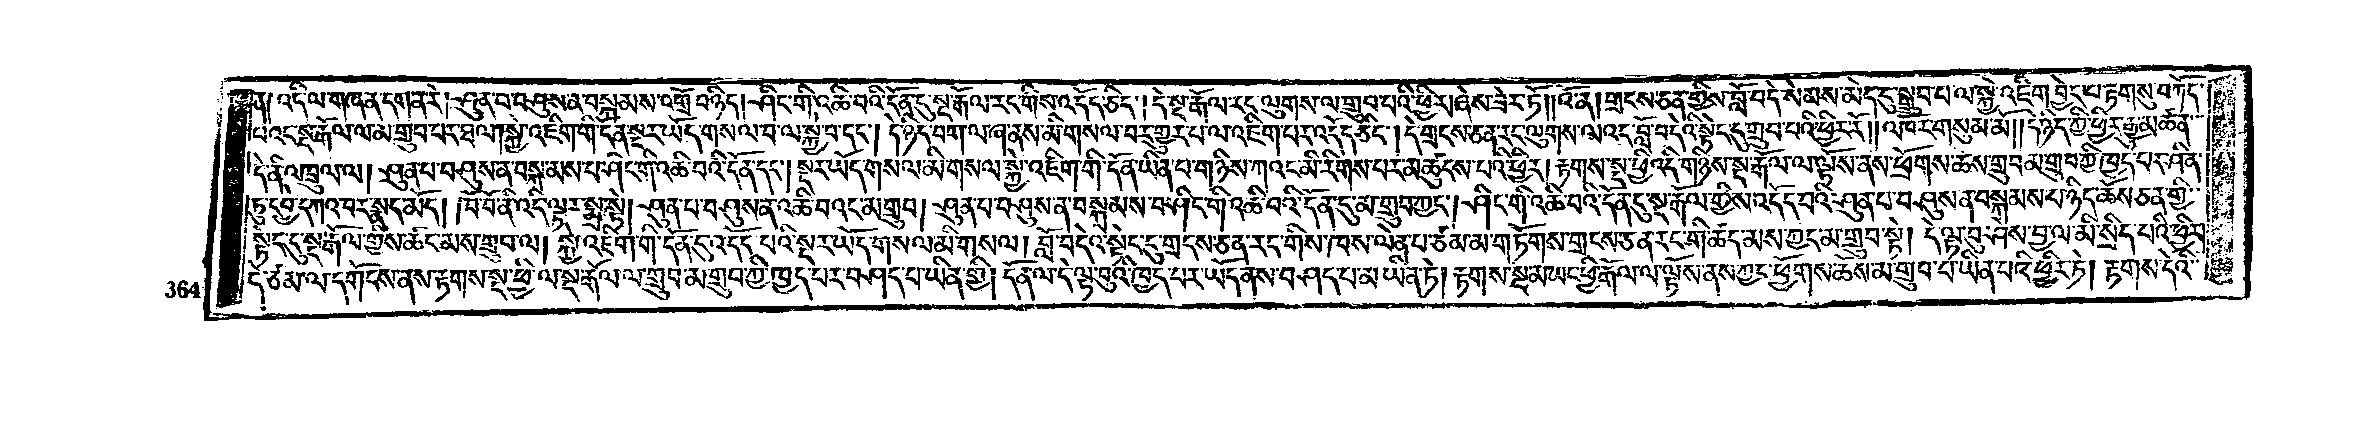ན༑ འདི་ལ་གཞན་དག་ན་རེ། ཤུན་པ་བཤུས་ན་བསྐམས་འགྲོ་བ་ཉིད། ཤིང་གི་འཆི་བའི་དོན་དུ་སྔ་རྒོལ་རང་གིས་འདོད་ཅིང་། དེ་སྔ་རྒོལ་རང་ལུགས་ལ་གྲུབ་པའི་ཕྱིར། ཞེས་ཟེར་ཏོ། འོ་ན། གྲངས་ཅན་གྱིས་བློ་བདེ་སེམས་མེད་དུ་སྒྲུབ་པ་ལ་སྐྱེ་འཇིག་བྱེད་པ་རྟགས་སུ་བཀོད་
པའང་སྔ་རྒོལ་ལ་མ་གྲུབ་པར་ཐལ། སྐྱེ་འཇིག་གི་དོན་སྔར་ཡོད་གསལ་བ་ལ་སྐྱེ་བ་དང་། དེ་ཉིད་བག་ལ་ཞ་ནས་མི་གསལ་བར་གྱུར་པ་ལ་འཇིག་པར་འདོད་ཅིང་། དེ་གྲངས་ཅན་རང་ལུགས་ལའང་བློ་བདེའི་སྟེང་དུ་གྲུབ་པའི་ཕྱིར་རོ། །འཁོར་གསུམ་མོ། །དེ་ཉིད་ཀྱི་ཕྱིར་རྒྱུ་མཚན་
དེ་ནི་འཁྲུལ་ལ། ཤུན་པ་བཤུས་ན་བསྐམས་པ་ཤིང་གི་འཆི་བའི་དོན་དང་། སྔར་ཡིད་གསལ་མི་གསལ་སྐྱེ་འཇིག་གི་དོན་ཡིན་པ་གཉིས་ཀའང་མི་རིགས་པར་མཚུངས་པའི་ཕྱིར། རྟགས་སྔ་ཕྱི་འདི་གཉིས་སྔ་རྒོལ་ལ་ལྟོས་ནས་ཕྱོགས་ཆོས་གྲུབ་མ་གྲུབ་ཀྱི་ཁྱད་པར་ཤིན་
ཏུ་དབྱེ་དཀའ་བར་སྣང་མོད། ཁོ་བོ་ནི་འདི་ལྟར་སྨྲ་སྟེ། ཤུན་པ་བཤུས་ན་འཆི་བའང་མ་གྲུབ། ཤུན་པ་བཤུས་ན་བསྐམས་པ་ཤིང་གི་འཆི་བའི་དོན་དུ་མ་གྲུབ་ཀྱང་། ཤིང་གི་འཆི་བའི་དོན་དུ་སྔ་རྒོལ་གྱིས་འདོད་པའི་ཤུན་པ་བཤུས་ན་བསྐམས་པ་ཉིད་ཆོས་ཅན་གྱི་
སྟེང་དུ་སྔ་རྒོལ་གྱིས་ཚད་མས་གྲུབ་ལ། སྐྱེ་འཇིག་གི་དོན་དུ་འདོད་པའི་སྔར་ཡོད་གསལ་མི་གསལ། བློ་བདེའི་སྟེང་དུ་གྲངས་ཅན་རང་གིས་ཁས་ལེན་པ་ཙམ་མ་གཏོགས་གྲངས་ཅན་རང་གི་ཚད་མས་ཀྱང་མ་གྲུབ་སྟེ། དེ་ལྟ་བུ་ཤེས་བྱ་ལ་མི་སྲིད་པའི་ཕྱིར།
དེ་ཙམ་ལ་དགོངས་ནས་རྟགས་སྔ་ཕྱི་ལ་སྔ་རྒོལ་ལ་གྲུབ་མ་གྲུབ་ཀྱི་ཁྱད་པར་བཤད་པ་ཡིན་གྱི། དོན་ལ་དེ་ལྟ་བུའི་ཁྱད་པར་ཡོད་ནས་བཤད་པ་མ་ཡིན་ཏེ། རྟགས་སྔ་མ་ཡང་ཕྱི་རྒོལ་ལ་ལྟོས་ནས་ཀྱང་ཕྱོགས་ཆོས་མ་གྲུབ་པ་ཡིན་པའི་ཕྱིར་ཏེ། རྟགས་དེའི་